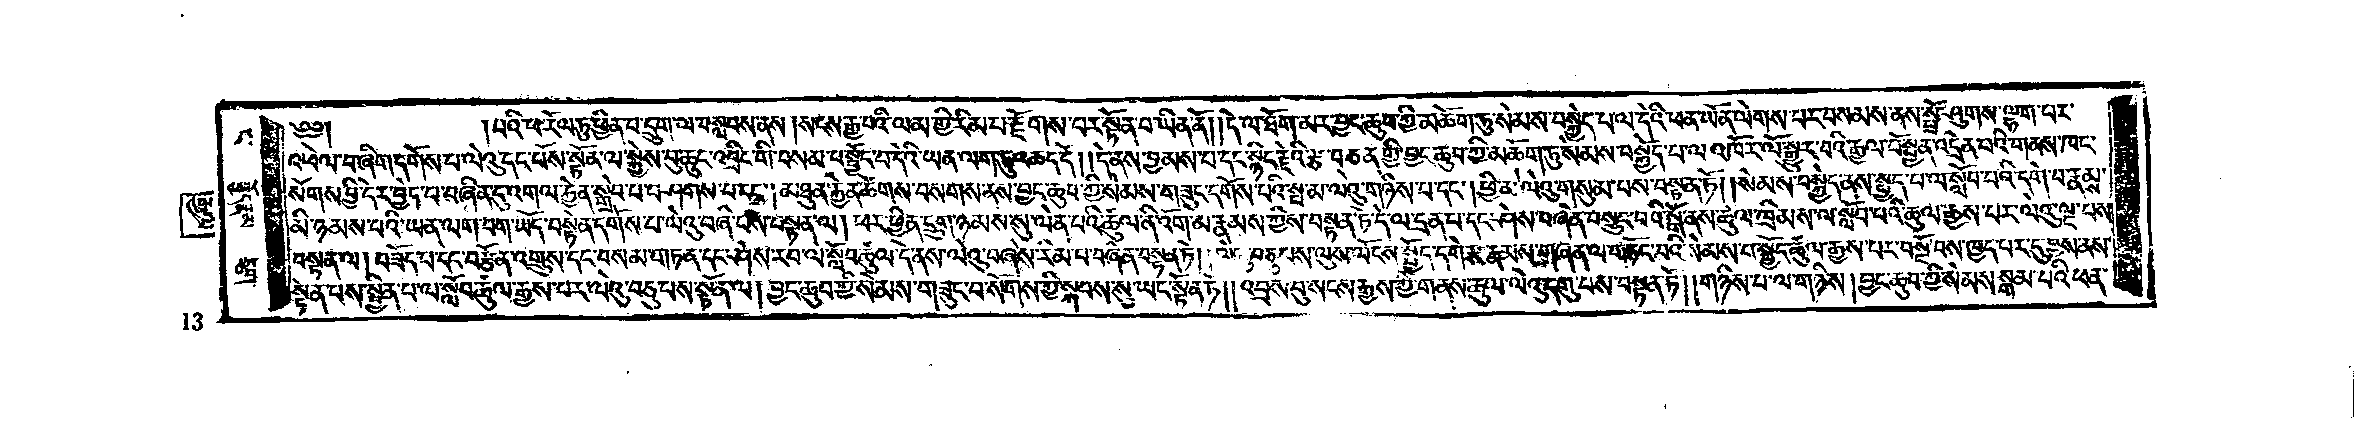༄༅། །པའི་ཕ་རོལ་ཏུ་ཕྱིན་པ་དྲུག་ལ་བསླབས་ནས། སངས་རྒྱས་པའི་ལམ་གྱི་རིམ་པ་རྫོགས་པར་སྟོན་པ་ཡིན་ནོ། །དེ་ལ་ཐོག་མར་བྱང་ཆུབ་ཀྱི་མཆོག་ཏུ་སེམས་བསྐྱེད་པ་ལ་དེའི་ཕན་ཡོན་ལེགས་པར་བསམས་ནས་སྤྲོ་ཤུགས་ལྷག་པར་
འཕེལ་བ་ཞིག་དགོས་པ་ལེའུ་དང་པོས་སྟོན་ལ་སྐྱེས་བུ་ཆུང་འབྲིང་གི་བསམ་པ་སྦྱོང་བ་དེའི་ཡན་ལག་ཏུ་འཆད་དོ། །དེ་ནས་བྱམས་པ་དང་སྙིང་རྗེའི་རྩ་བ་ཅན་གྱི་བྱང་ཆུབ་ཀྱི་མཆོག་ཏུ་སེམས་བསྐྱེད་པ་ལ་འཁོར་ལོ་སྒྱུར་བའི་རྒྱལ་པོ་སྤྱན་འདྲེན་པའི་གནས་ཁང་
སོགས་བྱི་དེར་བྱེད་པ་བཞིན་དུ་འགལ་རྐྱེན་སྒྲེབ་པ་བཤགས་པ་དང་། མཐུན་རྒྱེན་ཚོགས་བསགས་ནས་བྱང་ཆུབ་ཀྱི་སེམས་གཟུང་དགོས་པའི་སྤ་མ་ལེའུ་གཉིས་པ་དང་། ཕྱི་མ་ལེའུ་གསུམ་པས་བསྟན་ཏོ། །སེམས་བསྐྱེད་ནས་སྤྱད་པ་ལ་སློབ་པའི་དགེ་བ་རྣམས་
མི་ཉམས་པའི་ཡན་ལག་བག་ཡོད་བསྟེན་དགོས་པ་ལེའུ་བཞི་པས་བསྟན་ལ། ཕར་ཕྱིན་དྲུག་ཉམས་སུ་ལེན་པའི་ཚུལ་ནི་འོག་མ་རྣམས་ཀྱིས་བསྟན་ཏེ་དེ་ལ་དྲན་པ་དང་ཤེས་བཞིན་བསྲུང་བའི་སྒོ་ནས་ཚུལ་ཁྲིམས་ལ་སློབ་པའི་ཚུལ་རྒྱས་པར་ལེའུ་ལྔ་པས་
བསྟན་ལ། བཟོད་པ་དང་བརྩོན་འགྲུས་དང་བསམ་གཏན་དང་ཤེས་རབ་ལ་སློབ་ཚུལ་དེ་ནས་ལེའུ་བཞེས་རིམ་པ་བཞིན་བསྟན་ཏེ། །ལེའུ་བཅུ་པས་ལུས་ལོངས་སྤྱོད་དགེ་བ?་རྣམས་གཞན་ལ་གཏོང་པའི་སེམས་པ་སྐྱོད་ཚུལ་རྒྱས་པར་བསྔོ་བས་ཁྱད་པར་དུ་བྱས་ནས་
སྟེན་པས་སྦྱིན་པ་ལ་སློབ་ཚུལ་རྒྱས་པར་ལེའུ་བཅུ་པས་སྟོན་ལ། བྱང་ཆུབ་ཀྱི་སེམས་གཟུང་བ་སོགས་ཀྱི་སྐབས་སུ་ཡང་སྟོན་ཏོ། །འབྲས་བུ་སངས་རྒྱས་ཀྱི་གནས་ཚུལ་ལེའུ་དགུ་པས་བསྟན་ཏོ། །གཉིས་པ་ལ་གཉིས། བྱང་ཆུབ་ཀྱི་སེམས་སྒོམ་པའི་ཕན་